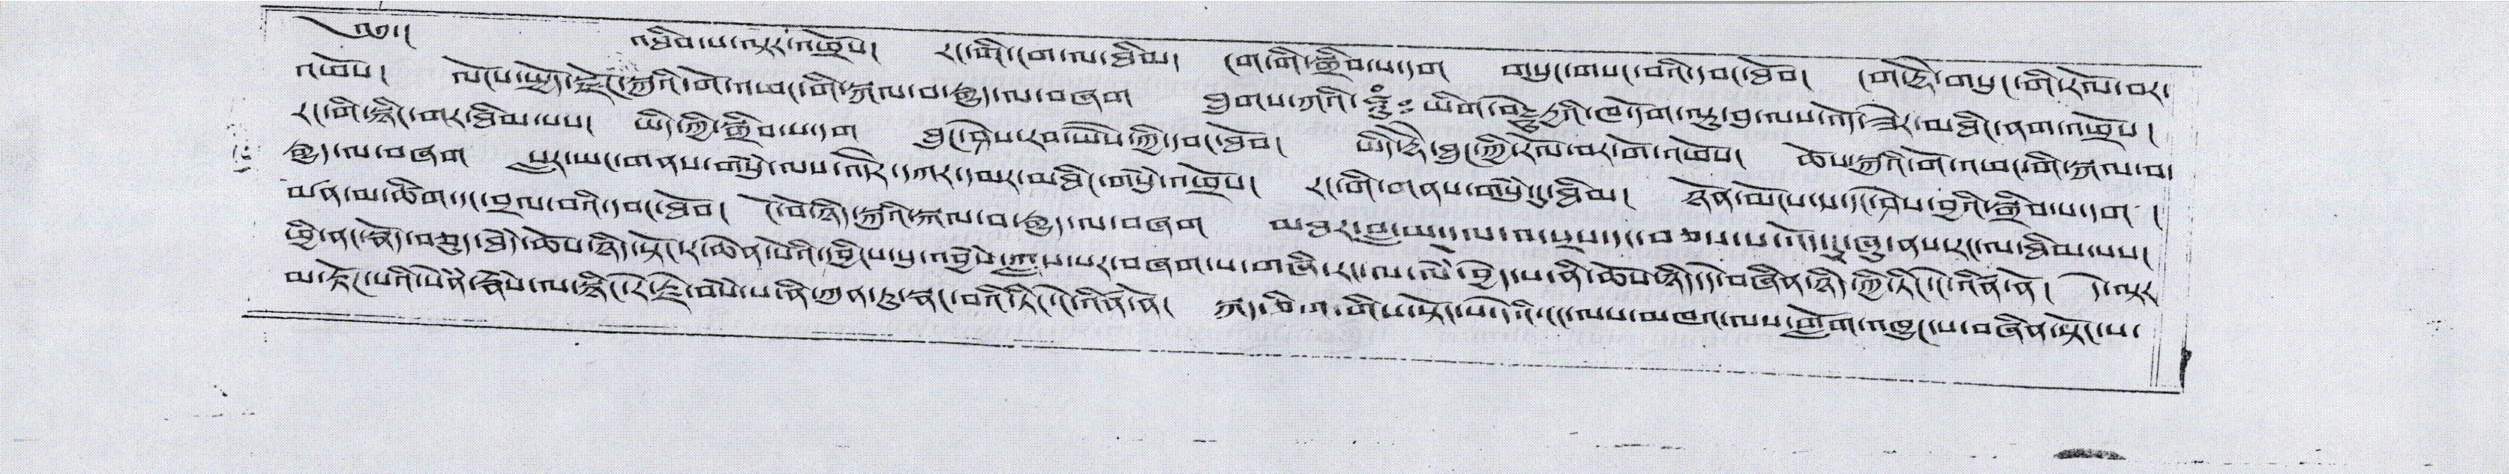འཐིབ་པ་ལྟར་འཕྲོས། རང་གི་ངག་ལ་ཐིམ། ངག་གི་སྒྲིབ་པ་དག གསུང་གསང་བའི་དབང་ཐོབ། ངག་རྡོ་རྗེ་གསུང་གི་རོལ་བར་
འཕོས། ལོངས་སྤྱོད་རྫོགས་སྐུའི་གོ་འཕང་གི་སྐལ་བ་རྒྱུད་ལ་བཞག ཐུགས་ཀའི་ཧཱུཾཿཡིག་བཻཌུརྱའི་ཁ་དོག་ལྟ་བུ་ལས་འོད་ཟེར་མཐིང་ནག་འཕྲོས། 
རང་གི་སྙིང་གར་ཐིམ་པས། ཡིད་ཀྱི་སྒྲིབ་པ་དག ཐུགས་ཤེས་རབ་ཡེ་ཤེས་ཀྱི་དབང་ཐོབ། ཡིད་རྡོ་རྗེ་ཐུགས་ཀྱི་རོལ་བར་གོ་འཕོས། ཆོས་སྐུའི་གོ་འཕང་གི་སྐལ་བ་
རྒྱུད་ལ་བཞག སླར་ཡང་གནས་གསུམ་ལས་འོད་ཟེར་དཀར་དམར་མཐིང་གསུམ་འཕྲོས། རང་གི་གནས་གསུམ་དུ་ཐིམ། ཉོན་མོངས་པ་དང་ཤེས་བྱའི་སྒྲིབ་པ་དག 
མཚན་མ་ཚིག་དང་བྲལ་བའི་དབང་ཐོབ། ངོ་བོ་ཉིད་སྐུའི་སྐལ་བ་རྒྱུད་ལ་བཞག མཐར་བླ་མ་རྒྱལ་བ་སྲས་དང་བཅས་པ་འོད་དུ་ཞུ་ནས་རང་ལ་ཐིམ་པས། 
ཕྱི་ནང་སྣོད་བཅུད་ཐམས་ཅད་ཆོས་ཉིད་སྟོང་ར་ཆེན་པོའི་དབྱིངས་སུ་འབྱམས་ཀླས་པར་བཞག་པ་གཞི་རང་ལ་ལམ་བྱེད་པ་ནི་ཆོས་ཉིད་དེ་བཞིན་ཉིད་ཀྱི་ཏིང་ངེ་འཛིན་ནོ། དེ་ལྟར་
མ་རྟོགས་པའི་སེམས་ཅན་རྣམས་ལ་སྙིང་རེ་རྗེ་བསམ་པ་ནི་ཀུན་ཏུ་སྣང་བའི་ཏིང་ངེ་འཛིན་ནོ། སྐད་ཅིག་གིས་སྟོང་པ་དེའི་ངང་ལས་མཁའ་ལས་གློག་འཁྱུགས་པ་བཞིན་སྟོང་པ་